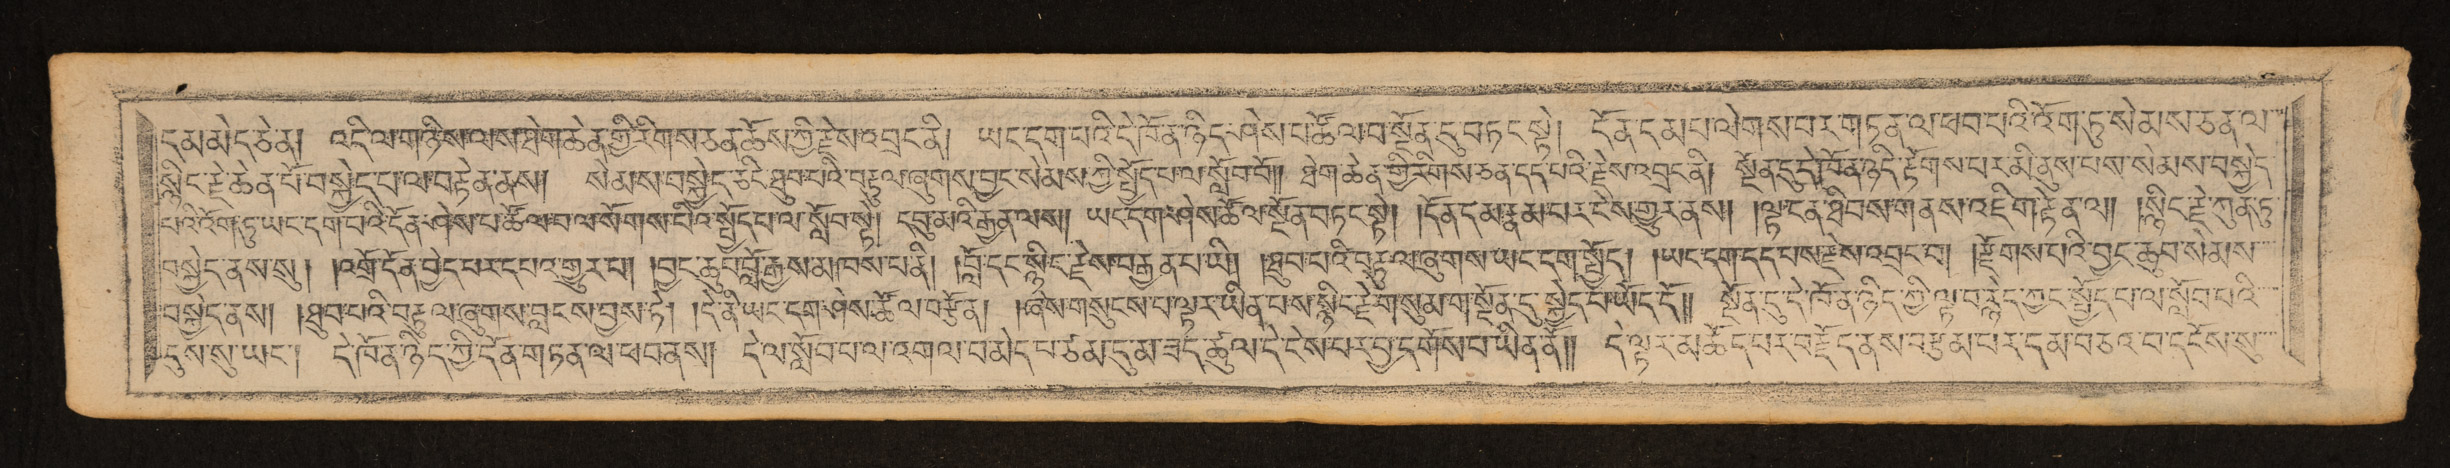དམ་མེད་ཅེ་ན། འདི་ལ་གཉིས་ལས་ཐེག་ཆེན་གྱི་རིགས་ཅན་ཆོས་ཀྱི་རྗེས་འབྲང་ནི། ཡང་དག་པའི་དེ་ཁོ་ན་ཉིད་ཤེས་པ་ཚོལ་བ་སྔོན་དུ་བཏང་སྟེ། དོན་དམ་པ་ལེགས་པར་གཏན་ལ་ཕབ་པའི་འོག་ཏུ་སེམས་ཅན་ལ་
སྙིང་རྗེ་ཆེན་པོ་བསྐྱེད་པ་ལ་བརྟེན་ནས། སེམས་བསྐྱེད་ཅིང་ཐུབ་པའི་བརྟུལ་ཞུགས་བྱང་སེམས་ཀྱི་སྤྱོད་པ་ལ་སློབ་བོ།། ཐེག་ཆེན་གྱི་རིགས་ཅན་དད་པའི་རྗེས་འབྲང་ནི། སྔོན་དུ་དེ་ཁོ་ན་ཉིད་རྟོགས་པར་མི་ནུས་པས་སེམས་བསྐྱེད་
པའི་འོག་ཏུ་ཡང་དག་པའི་དོན་ཤེས་པ་ཚོལ་བ་ལ་སོགས་པའི་སྤྱོད་པ་ལ་སློབ་སྟེ། དབུ་མའི་རྒྱན་ལས། ཡང་དག་ཤེས་ཚོལ་སྔོན་བཏང་སྟེ། །དོན་དམ་རྣམ་པར་ངེས་གྱུར་ནས། །ལྟ་ངན་ཐིབས་གནས་འཇིག་རྟེན་ལ། །སྙིང་རྗེ་ཀུན་ཏུ་
བསྐྱེད་ནས་སུ། །འགྲོ་དོན་བྱེད་པར་དཔའ་གྱུར་པ། །བྱང་ཆུབ་བློ་རྒྱས་མཁས་པ་ནི། །བློ་དང་སྙིང་རྗེས་བརྒྱན་པ་ཡི། །ཐུབ་པའི་བརྟུལ་ཞུགས་ཡང་དག་སྤྱོད། །ཡང་དག་དད་པས་རྗེས་འབྲང་བ། །རྫོགས་པའི་བྱང་ཆུབ་སེམས་
བསྐྱེད་ནས། །ཐུབ་པའི་བརྟུལ་ཞུགས་བླངས་བྱས་ཏེ། །དེ་ནི་ཡང་དག་ཤེས་ཚོལ་བརྩོན། །ཞེས་གསུངས་པ་ལྟར་ཡིན་པས་སྙིང་རྗེ་གསུམ་ག་སྔོན་དུ་སྐྱེད་པ་ཡོད་དོ།། སྔོན་དུ་དེ་ཁོ་ན་ཉིད་ཀྱི་ལྟ་བ་རྙེད་ཀྱང་སྤྱོད་པ་ལ་སློབ་པའི་
དུས་སུ་ཡང་། དེ་ཁོ་ན་ཉིད་ཀྱི་དོན་གཏན་ལ་ཕབ་ནས། དེ་ལ་སློབ་པ་ལ་འགལ་བ་མེད་པ་ཙམ་དུ་མ་ཟད་ཚུལ་དེ་ངེས་པར་བྱ་དགོས་པ་ཡིན་ནོ།། དེ་ལྟར་མཆོད་པར་བརྗོད་ནས་བརྩམ་པར་དམ་བཅའ་བ་དངོས་སུ་